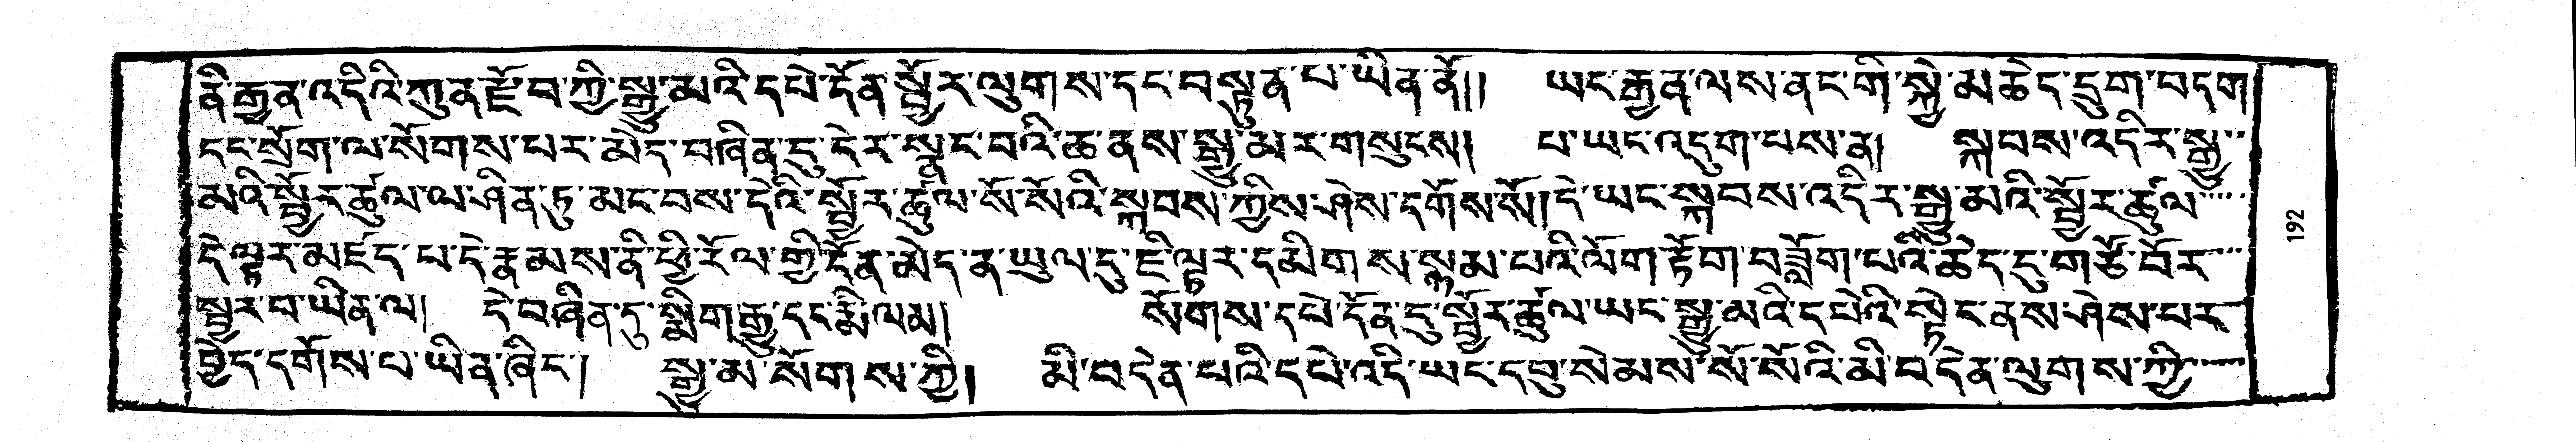ནི་རྒྱན་འདིའི་ཀུན་རྫོབ་ཀྱི་སྒྱུ་མའི་དཔེ་དོན་སྦྱོར་ལུགས་དང་བསྟུན་པ་ཡིན་ནོ། །ཡང་རྒྱན་ལས་ནང་གི་སྐྱེ་མཆེད་དྲུག་བདག་
དང་སྲོག་ལ་སོགས་པར་མེད་བཞིན་དུ་དེར་སྣང་བའི་ཆ་ནས་སྒྱུ་མར་གསུངས། པ་ཡང་འདུག་པས་ན། སྐབས་འདིར་སྒྱུ་
མའི་སྦྱོར་ཚུལ་ལ་ཤིན་ཏུ་མང་བས་དེའི་སྦྱོར་ཚུལ་སོ་སོའི་སྐབས་ཀྱིས་ཤེས་དགོས་སོ། དེ་ཡང་སྐབས་འདིར་སྒྱུ་མའི་སྦྱོར་ཚུལ་
དེ་ལྟར་མཛད་པ་དེ་རྣམས་ནི་ཕྱི་རོལ་གྱི་དོན་མེད་ན་ཡུལ་དུ་ཇི་ལྟར་དམིགས་སྙམ་པའི་ལོག་རྟོག་བཟློག་པའི་ཆེད་དུ་གཙོ་བོར་
སྦྱར་བ་ཡིན་ལ། དེ་བཞིན་དུ་སྨིག་རྒྱུ་དང་རྨི་ལམ། སོགས་དཔེ་དོན་དུ་སྦྱོར་ཚུལ་ཡང་སྒྱུ་མའི་དཔེའི་སྟེང་ནས་ཤེས་པར་
བྱེད་དགོས་པ་ཡིན་ཞིང་། སྒྱུ་མ་སོགས་ཀྱི། མི་བདེན་པའི་དཔེ་འདི་ཡང་དབུ་སེམས་སོ་སོའི་མི་བདེན་ལུགས་ཀྱི་